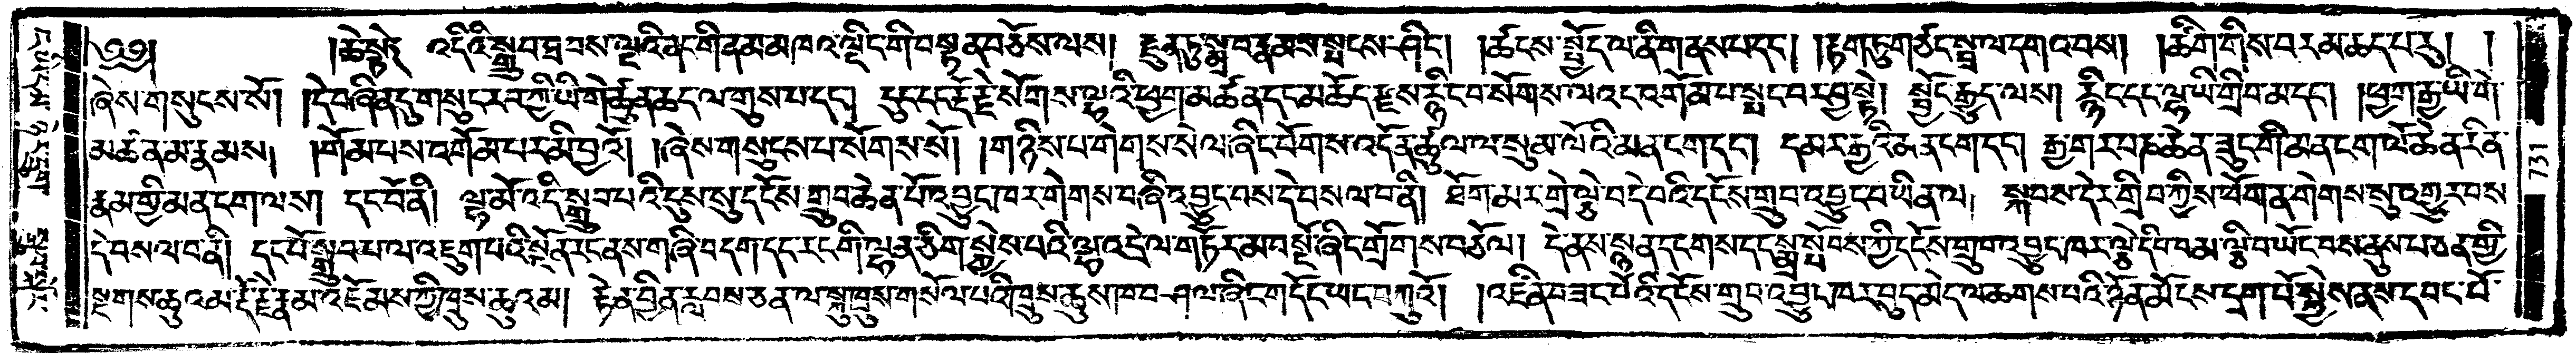༄༅། །ཆེ་སྟེ༑ འདིའི་སྒྲུབ་ཐབས་ལྔའི་ནང་གི་ནམ་མཁའ་ལྡིང་གི་བསྟན་བཅོས་ལས། རྫུན་ཏུ་སྨྲ་བ་རྣམས་སྤངས་ཤིང་། །ཚངས་སྤྱོད་ལ་ནི་གནས་པ་དང་། །རྟག་ཏུ་གཙང་སྦྲ་ལ་དགའ་བས། །ཚིག་གིས་བར་མ་ཆད་པ་རུ། །
ཞེས་གསུངས་སོ། །དེ་བཞིན་དུ་གསུང་རབ་ཀྱི་ཡི་གེ་ཚུན་ཆད་ལ་གུས་པ་དང་། དུང་དང་རྡོ་རྗེ་སོགས་ལྷའི་ཕྱག་མཚན་དང་མཆོད་རྫས་རྙིང་བ་སོགས་ལའང་འགོམ་པ་སྤང་བར་བྱ་སྟེ། སྦྱོང་རྒྱུད་ལས། རྙིང་དང་ལྷ་ཡི་གྲིབ་མ་དང་། །ཕྱག་རྒྱ་ཡི་གེ་
མཚན་མ་རྣམས། །གོམ་པས་འགོམ་པར་མི་བྱའོ། །ཞེས་གསུངས་པ་སོགས་སོ། །གཉིས་པ་གེགས་སེལ་ཞིང་བོགས་འདོན་ཚུལ་ལ་སུམ་ལོའི་མན་ངག་དང་། དམར་རྒྱའི་མན་ངག་དང་། རྒྱ་གར་པཎ་ཆེན་ཟུང་གི་མན་ངག་ལོ་ཆེན་རིན་
རྣམ་གྱི་མན་ངག་ལས། དང་པོ་ནི། ལྷ་མོ་འདི་སྒྲུབ་པའི་དུས་སུ་དངོས་གྲུབ་ཆེན་པོ་འབྱུང་ཁར་གེགས་བཞི་འབྱུང་བས་དེ་བསལ་བ་ནི། ཐོག་མར་གྲེ་ལྕེ་བདེ་བའི་དངོས་གྲུབ་འབྱུང་བ་ཡིན་ལ། སྐབས་དེར་གྲིབ་ཀྱིས་ཕོག་ན་གེགས་སུ་འགྱུར་བས་
དེ་བསལ་བ་ནི། དང་པོ་སྒྲུབ་པ་ལ་འཇུག་པའི་སྔོན་རང་ནས་གཞི་བདག་དང་རང་གི་ལྷན་ཅིག་སྐྱེས་པའི་ལྷ་འདྲེལ་གཏོར་མ་བསྔོ་ཞིང་གྲོགས་བཅོལ། དེ་ནས་སྙན་དང་གས་དང་སྨྲ་སྤོབས་ཀྱི་དངོས་གྲུབ་འབྱུང་ཁར་ལྕེ་དིབ་བམ་ལྕི་བ་ཡོང་བས་ནུས་པ་ཅན་གྱི་
སྔགས་ཆུའམ་རྡོ་རྗེ་རྣམ་འཇོམས་ཀྱི་ཁྲུས་ཆུའམ། རྟེན་བྱིན་རླབས་ཅན་ལ་སྐུ་ཁྲུས་གསོལ་པའི་ཁྲུས་ཆུས་ཁ་བཤལ་ཞིང་གདོང་ཡང་ཀུའོ། །འཛིན་བཟང་པོའི་དངོས་གྲུབ་འབྱུང་ཁར་བུད་མེད་ལ་ཆགས་པའི་ཉོན་མོངས་དྲག་པོ་སྐྱེས་ནས་དབང་བོ་